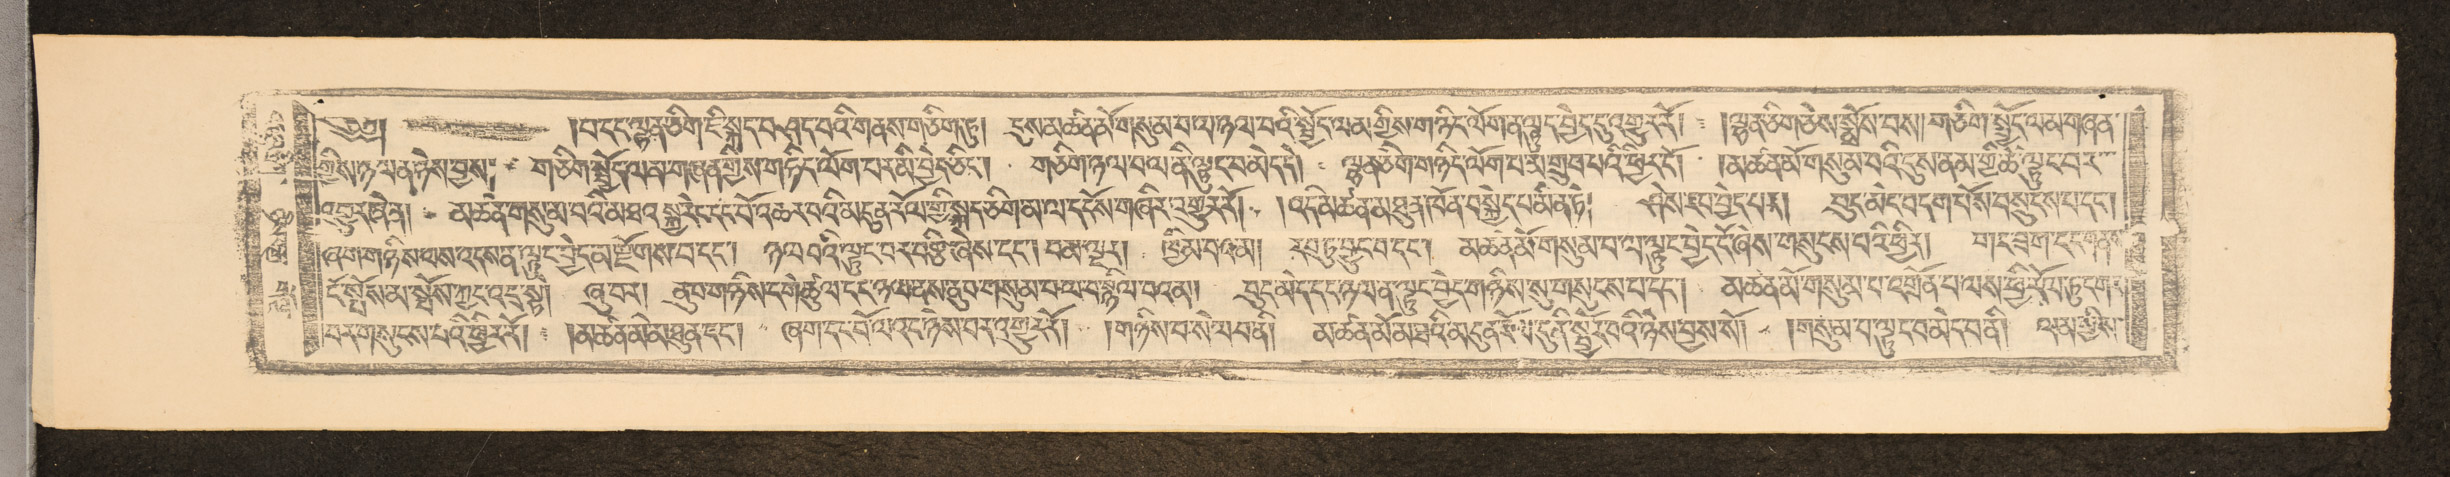༄༅། །པ་དང་ལྷན་ཅིག་ཇི་སྐད་བཤད་པའི་གནས་གཅིག་ཏུ། དུས་མཚན་མོ་གསུམ་པ་ལ་ཉལ་བའི་སྤྱོད་ལམ་གྱིས་གཉིད་ལོག་ན་ལྟུང་བྱེད་དུ་འགྱུར་རོ། །ལྷན་ཅིག་ཅེས་སྨོས་བས། གཅིག་སྤྱོད་ལམ་གཞན་
གྱིས་ཉལ་ན་ཉེས་བྱས། གཅིག་སྤྱོད་ལམ་གཞན་གྱིས་གཉིད་ལོག་པར་མི་བྱེད་ཅིང་། གཅིག་ཉལ་བ་ལ་ནི་ལྟུང་བ་མེད་དེ། ལྷན་ཅིག་གཉིད་ལོག་པ་མ་གྲུབ་པའི་ཕྱིར་རོ། །མཚན་མོ་གསུམ་པའི་དུས་ནམ་གྱི་ཚེ་ལྟུང་བར་
འགྱུར་ཞེན། མཚན་གསུམ་པའི་མཐའ་སྐྱ་རེང་དང་པོ་འཆར་བའི་མདུན་རོལ་གྱི་སྐད་ཅིག་མ་ལ་དངོས་གཞིར་འགྱུར་རོ། །འདི་མཚན་མཐུན་ཁོ་ན་བསྐྱེད་པ་མིན་ཏེ། ཤེས་རབ་བྱེད་པར། བུད་མེད་བདག་པོས་བསྲུངས་པ་དང་།
ཞག་གཉིས་ལས་འདས་ན་ལྟུང་བྱེད་མ་རྫོགས་པ་དང་། ཉལ་བའི་ལྟུང་བར་བརྩི་ཞེས་དང་། བམ་ལྔར། ཁྱིམ་པའམ། རབ་ཏུ་བྱུང་བ་དང་། མཚན་མོ་གསུམ་པ་ལ་ལྟུང་བྱེད་དོ་ཞེས་གསུངས་པའི་ཕྱིར། གང་ཟག་དང་གནས་
ངོ་སྤོས་མ་སྤོས་ཀྱང་འདྲ་སྟེ། ཞུ་བར། ནུབ་གཉིས་དགེ་ཚུལ་དང་ཉལ་ནས་ནུབ་གསུམ་པ་ལ་བསྙིལ་བའམ། བུད་མེད་དང་ཉལ་ན་ལྟུང་བྱེད་གཉིས་སུ་གསུངས་པ་དང་། མཚན་མོ་གསུམ་པ་འགྲོན་པ་ལས་ཕྱི་རོལ་ཏུ་དགར་
པར་གསུངས་པའི་ཕྱིར་རོ། །མཚན་མི་མཐུན་དང་། ཞག་དང་པོ་ལའང་ཉེས་པར་འགྱུར་རོ། །གཉིས་བ་སེལ་བ་ནི། མཚན་མོ་མཐའི་མདུན་རོལ་དུ་ནི་སྦྱོར་བའི་ཉེས་བྱས་སོ། །གསུམ་པ་ལྟུང་བ་མེད་པ་ནི། ལམ་གྱིས་